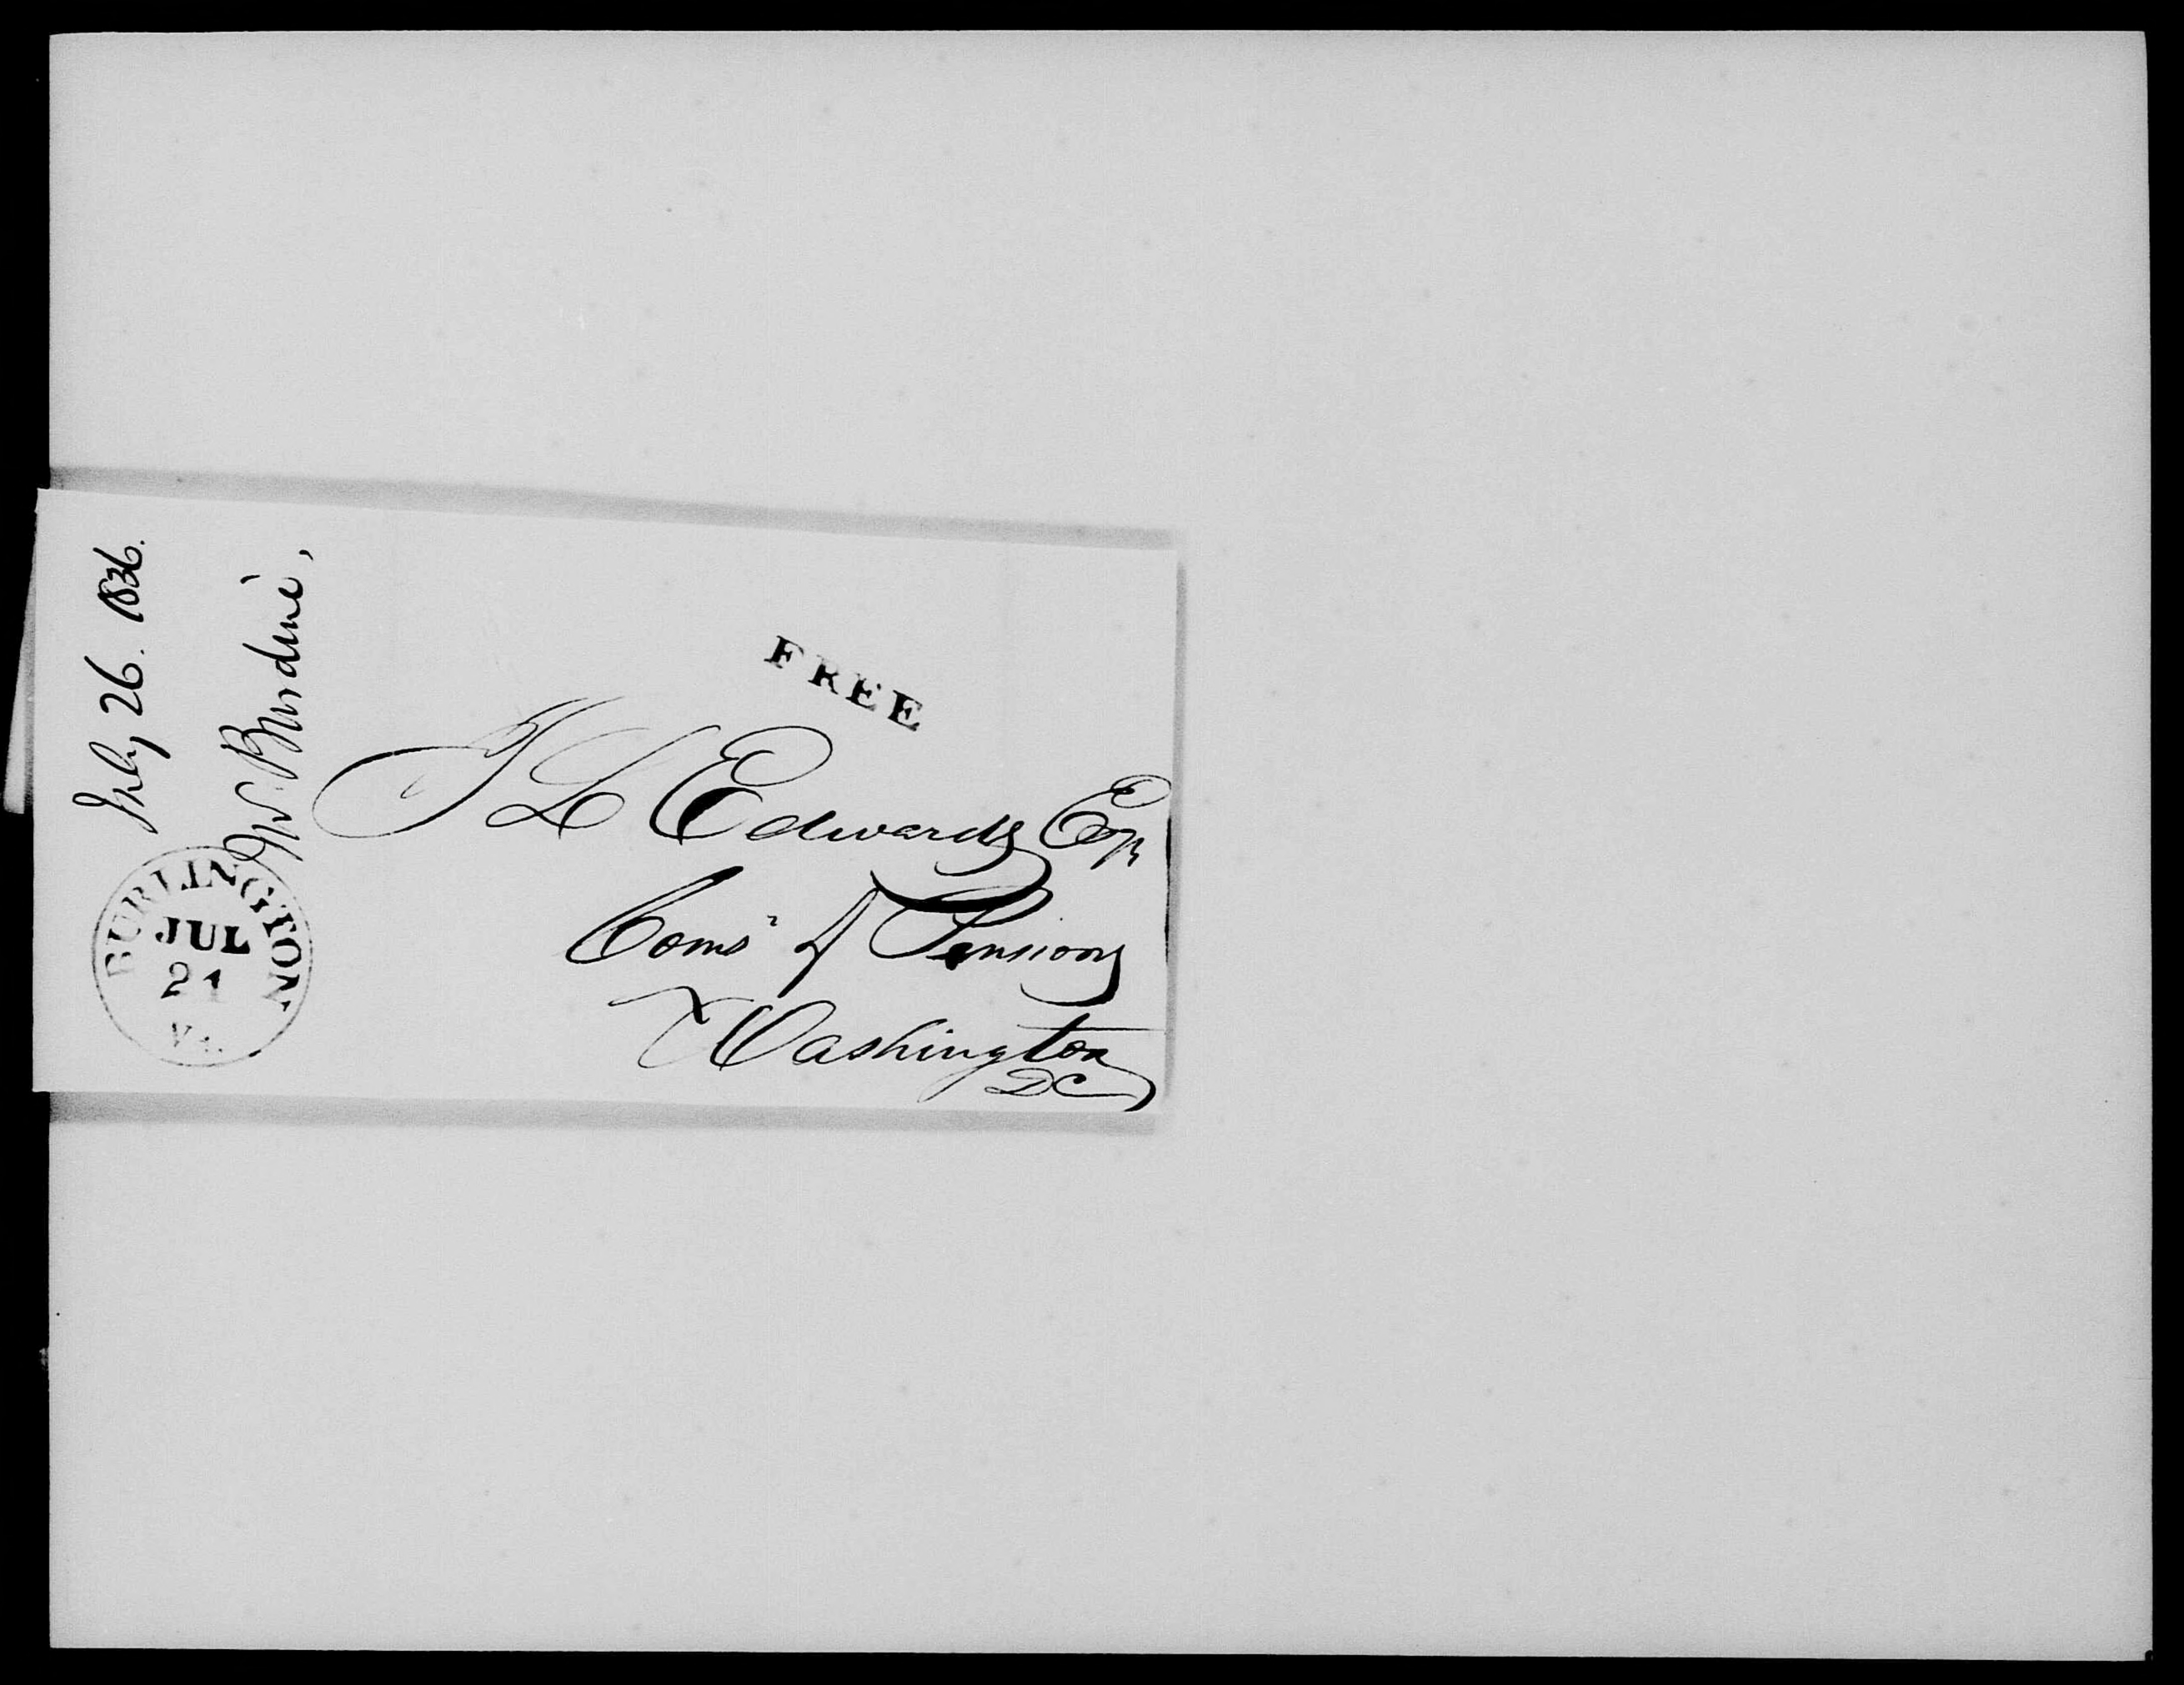July 26, 1836.
JW [Brindine?],
Free
[J]L Edwards [Gov.?]
Com'r of Pensions
Washington DC

Stamp:  Burlington, VT July 21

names: J L Edwards; [BLANK] Burdine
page: 27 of 34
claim: survivor's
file: S. 13944, for Richard Miner, Massachusetts